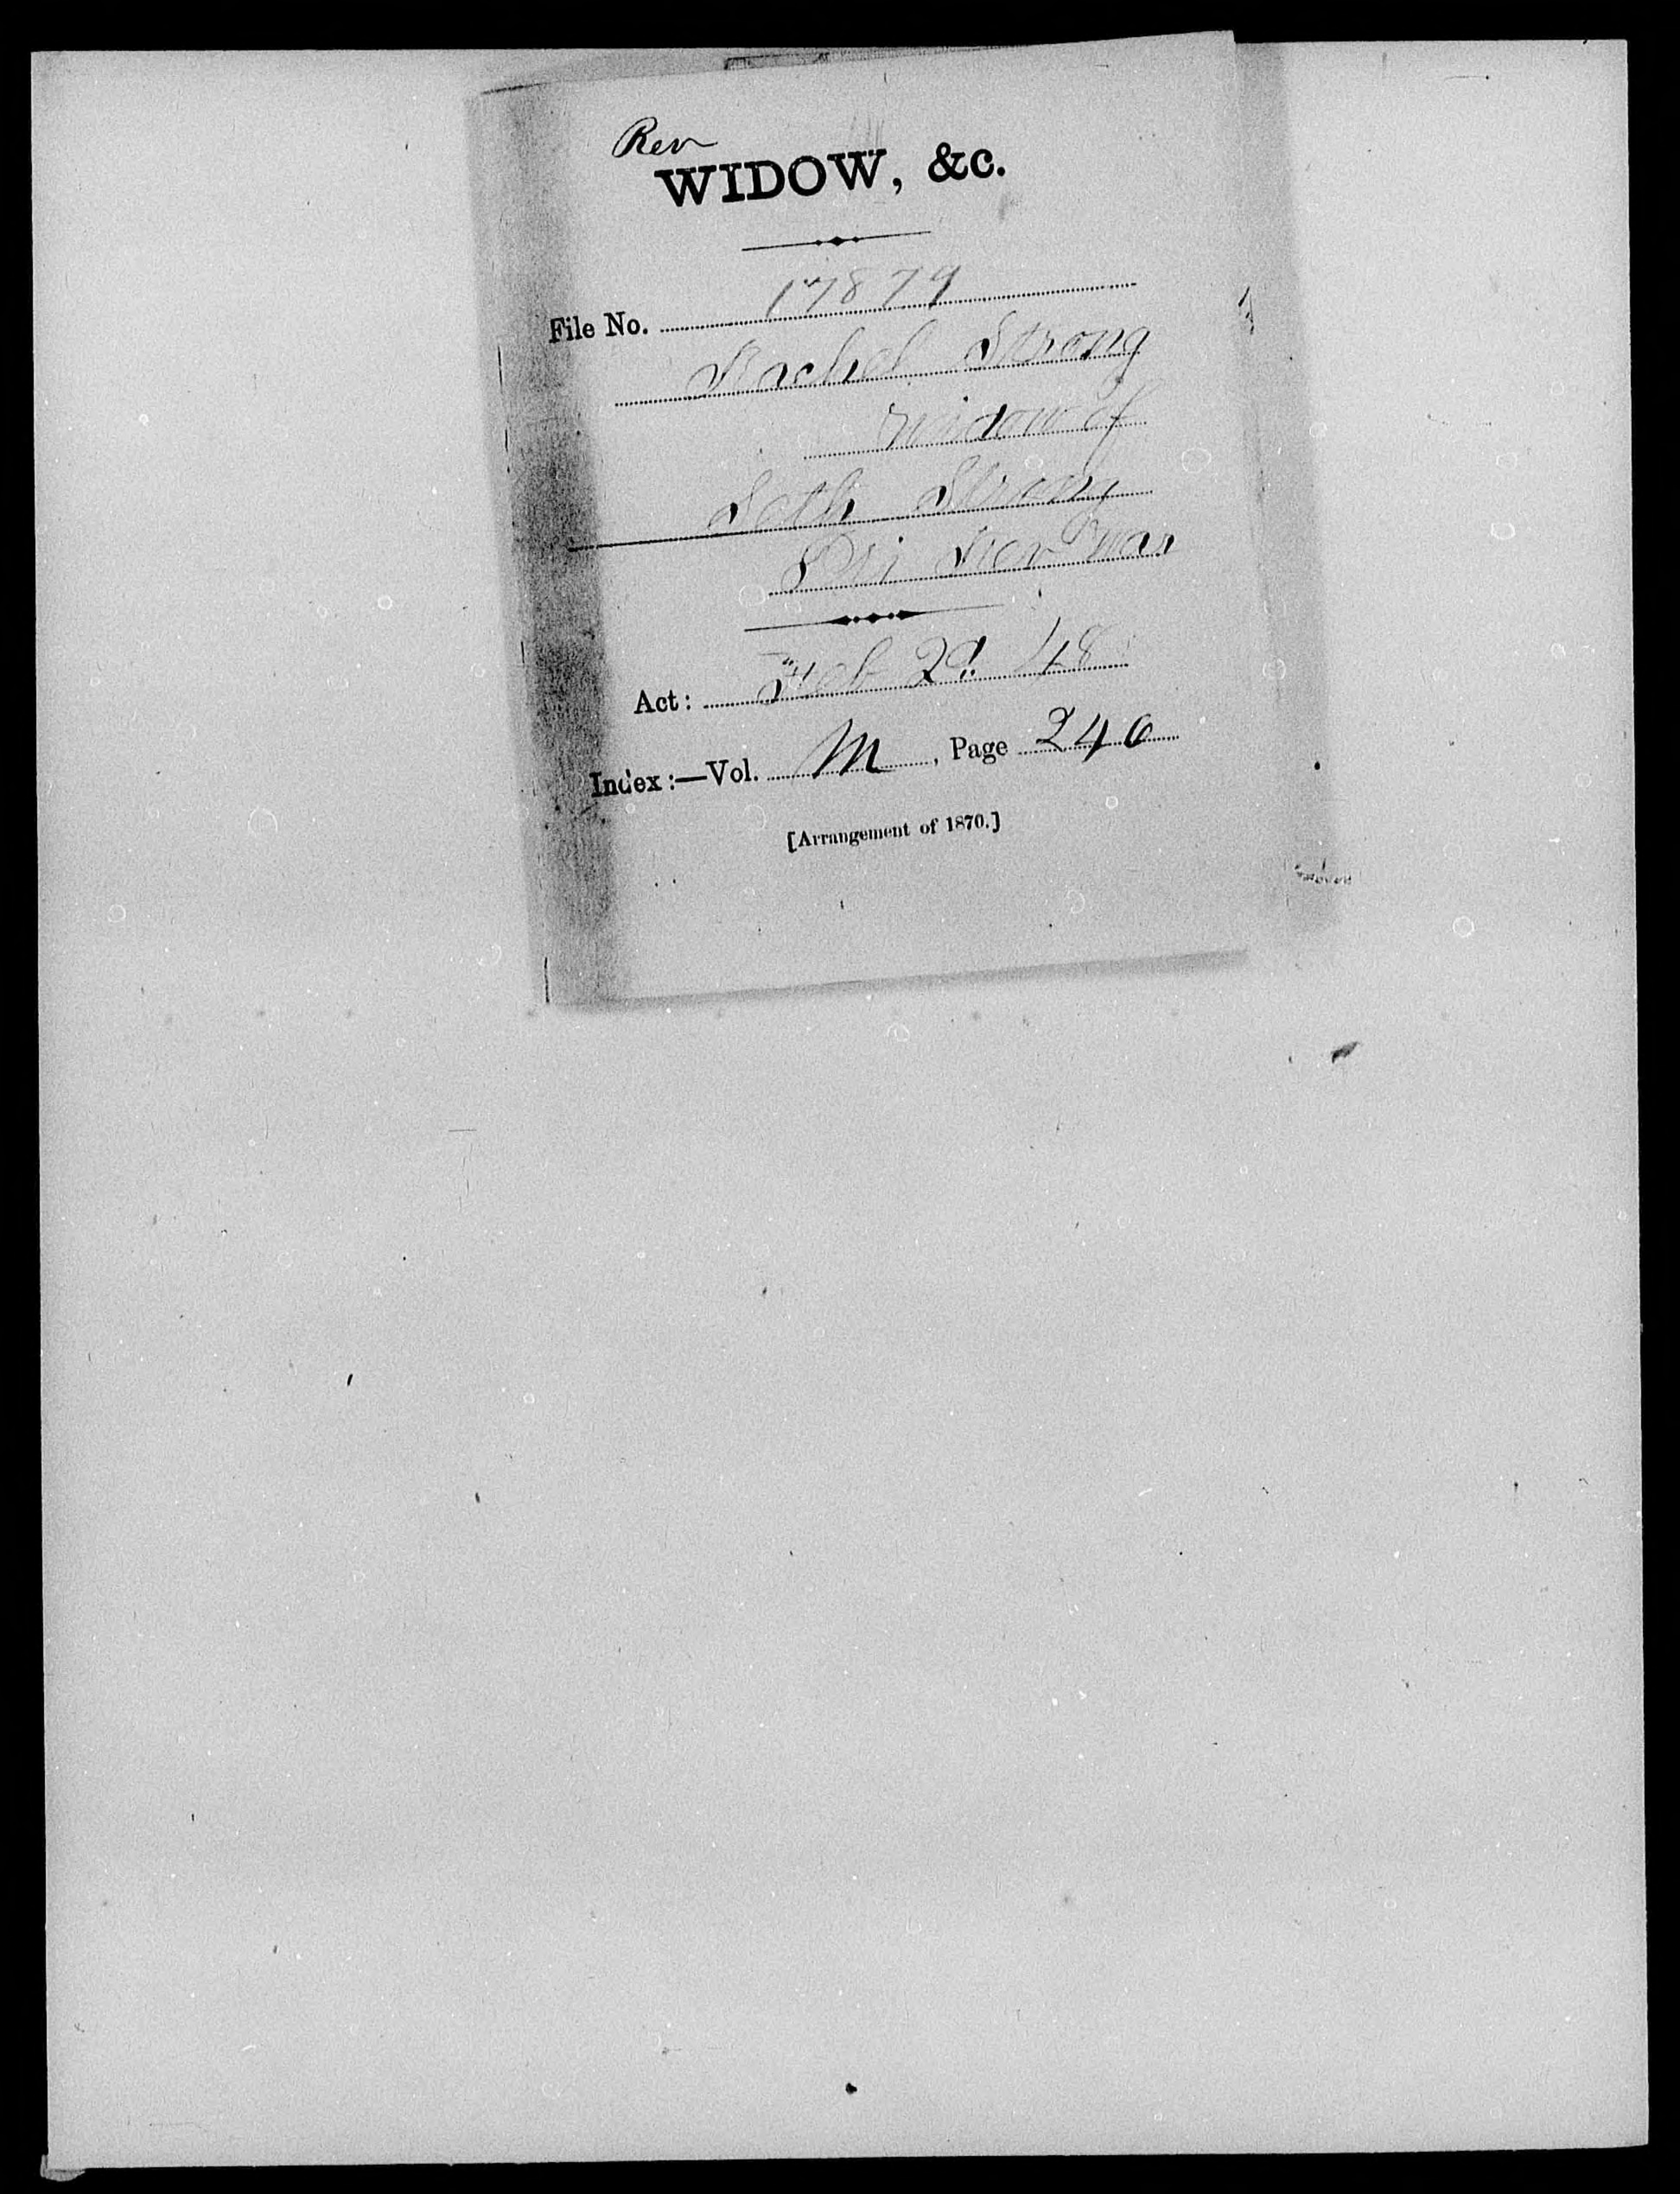Rev
WIDOW, &c.

File No. 17879
Rachel Strong
widow of
Seth Strong
Pri Rev War

Act: Feb 29 48
Index:-Vol. M, Page 246

[Arrangement of 1870.]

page: 25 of 47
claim: widow's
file: W. 17879, for Seth Strong, Connecticut